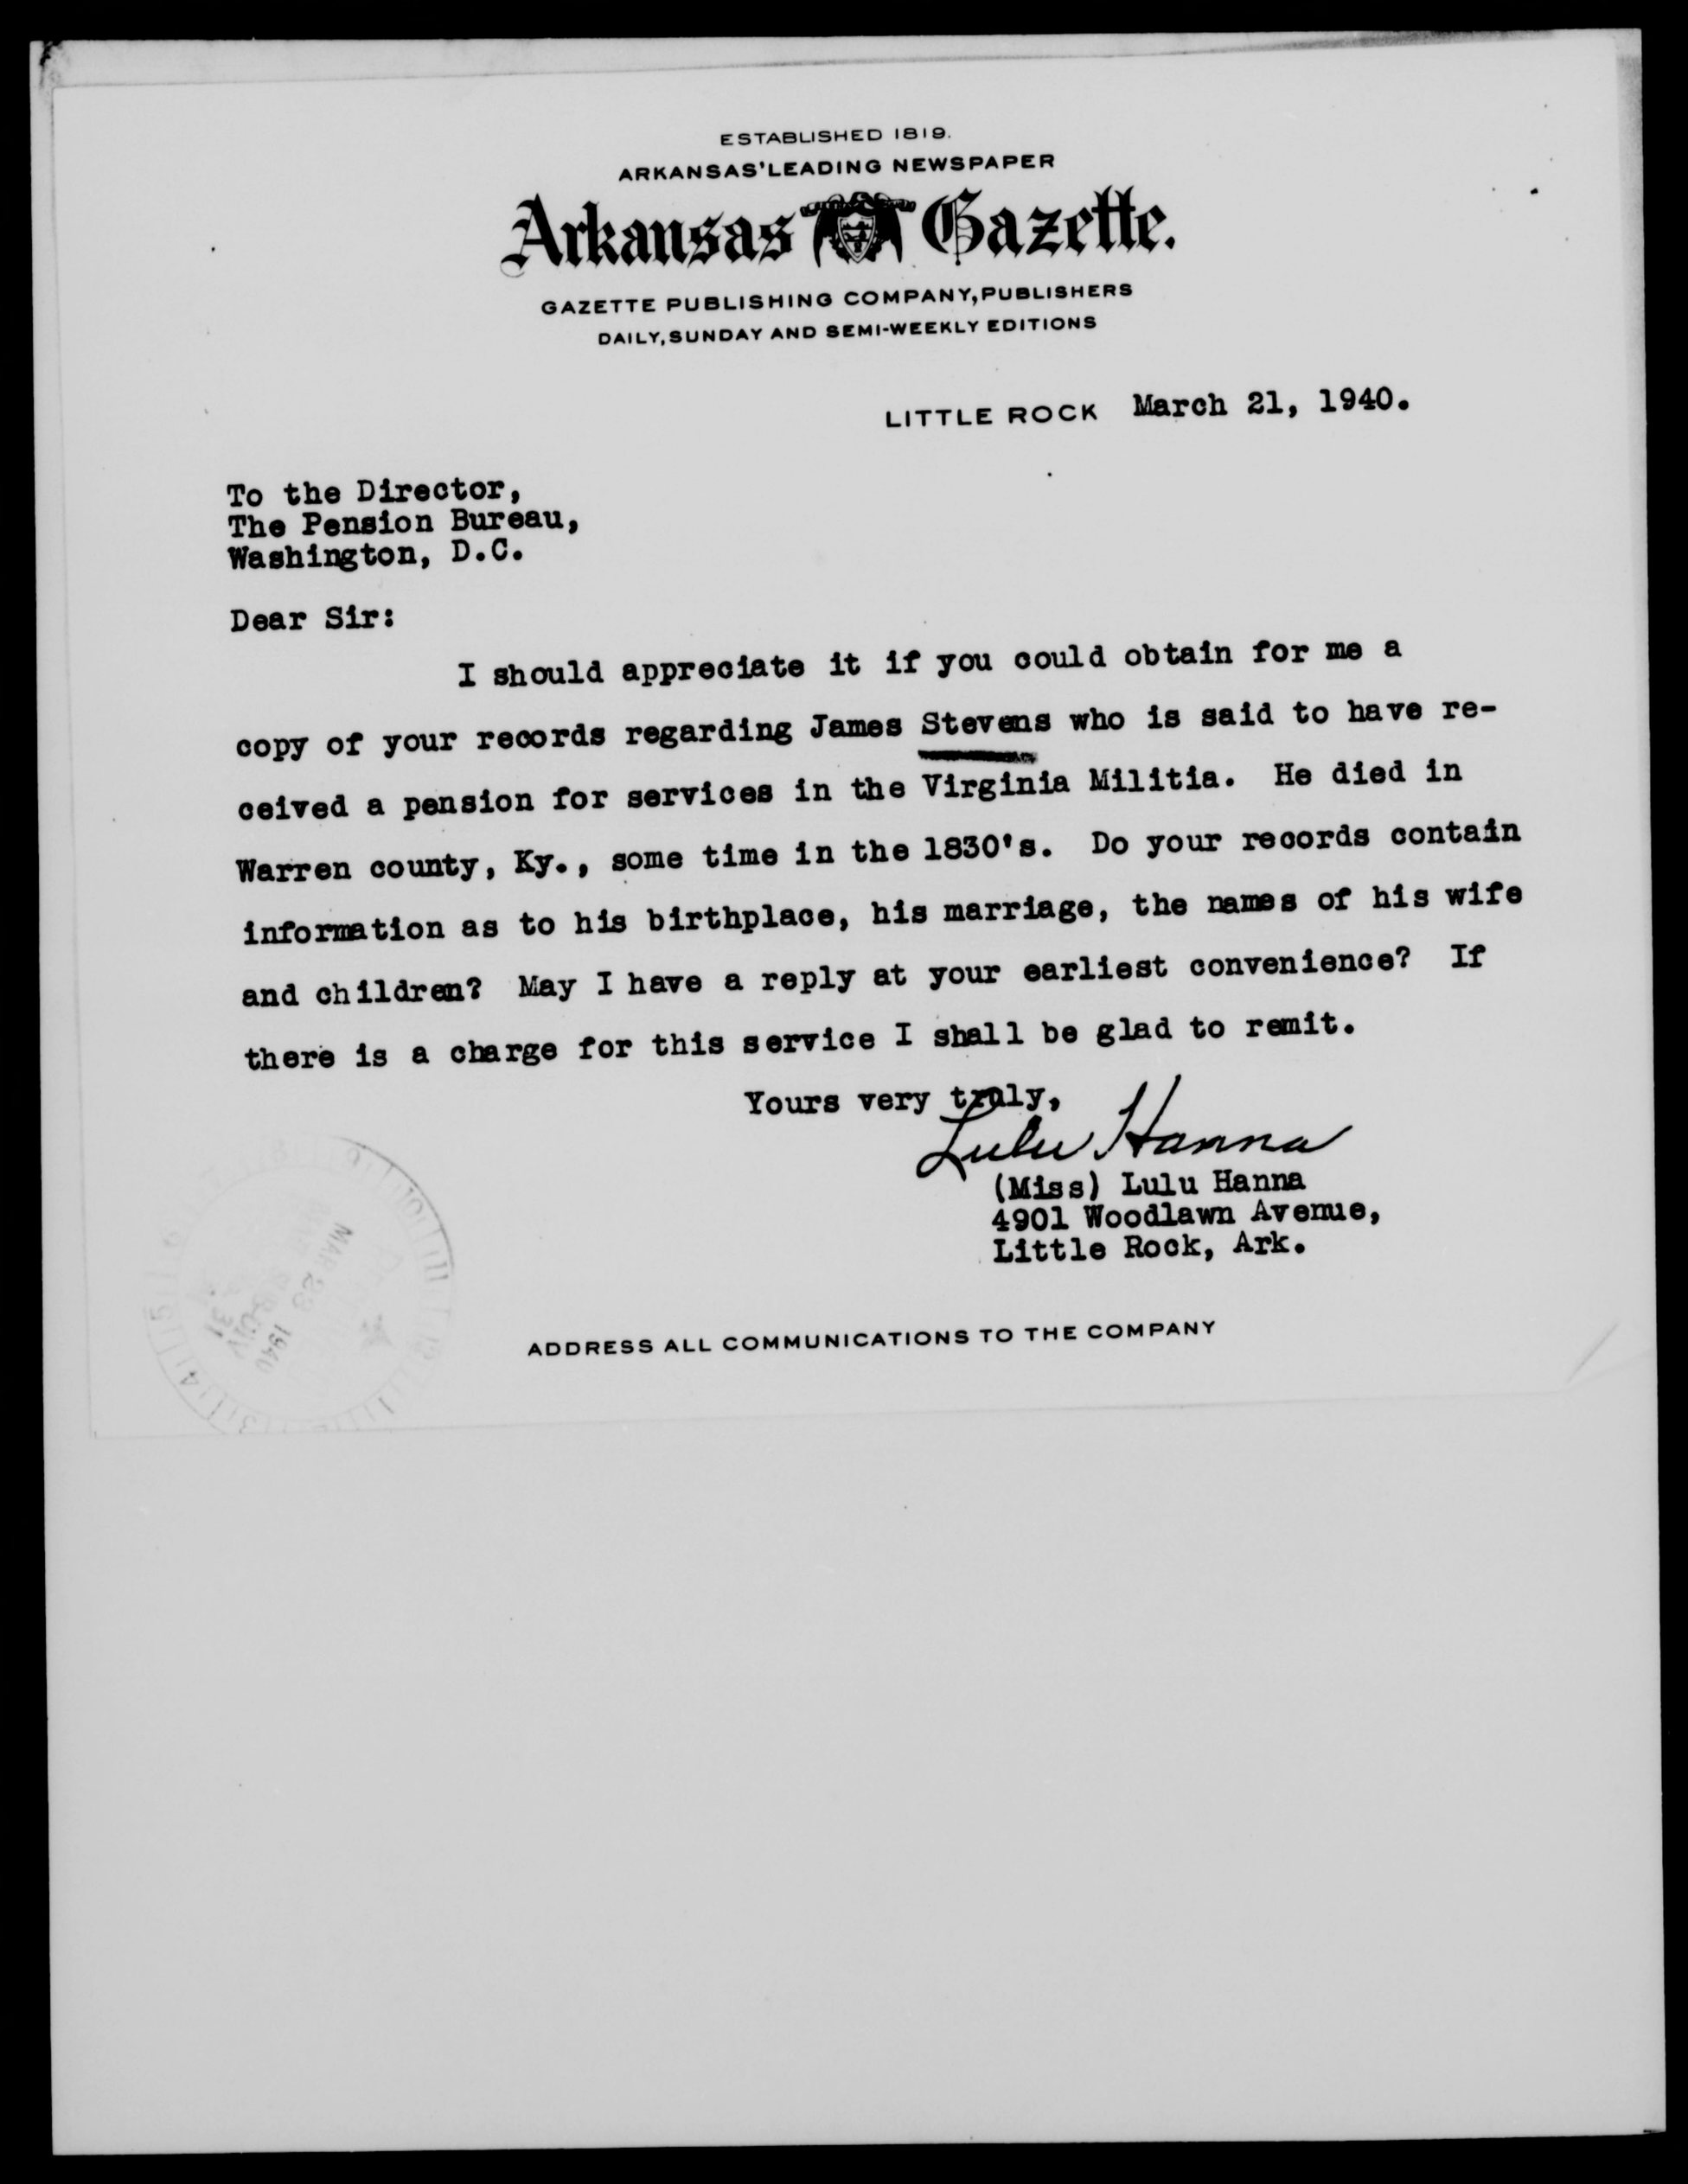ESTABLISHED 1819.
ARKANSAS' LEADING NEWSPAPER
Arkansas Gazette
GAZETTE PUBLISHING COMPANY, PUBLISHERS
DAILY SUNDAY AND SEMI-WEEKLY EDITIONS
LITTLE ROCK, March 21, 1940.
To the Director,
The Pension Bureau,
Washington, D.C.
Dear Sir:
I should appreciate it if you could obtain for me a
copy of your records regarding James Stevens who is said to have received a pension for services in the Virginia Militia. He died in
Warren County, Ky., some time in the 1830's. Do your records contain information as to his birthplace, his marriage, the names of his wife
and children? May I have a reply at your earliest convenience? If there is a charge for this service I shall be glad to remit.
Yours very truly,
Lula Hanna [Signature]
(Miss) Lulu Hanna
4901 Woodlawn Avenue,
Little Rock, Ark.
ADDRESS ALL COMMUNICATIONS TO THE COMPANY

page: 35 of 99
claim: widow's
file: W 8766, for James Stevens, Virginia